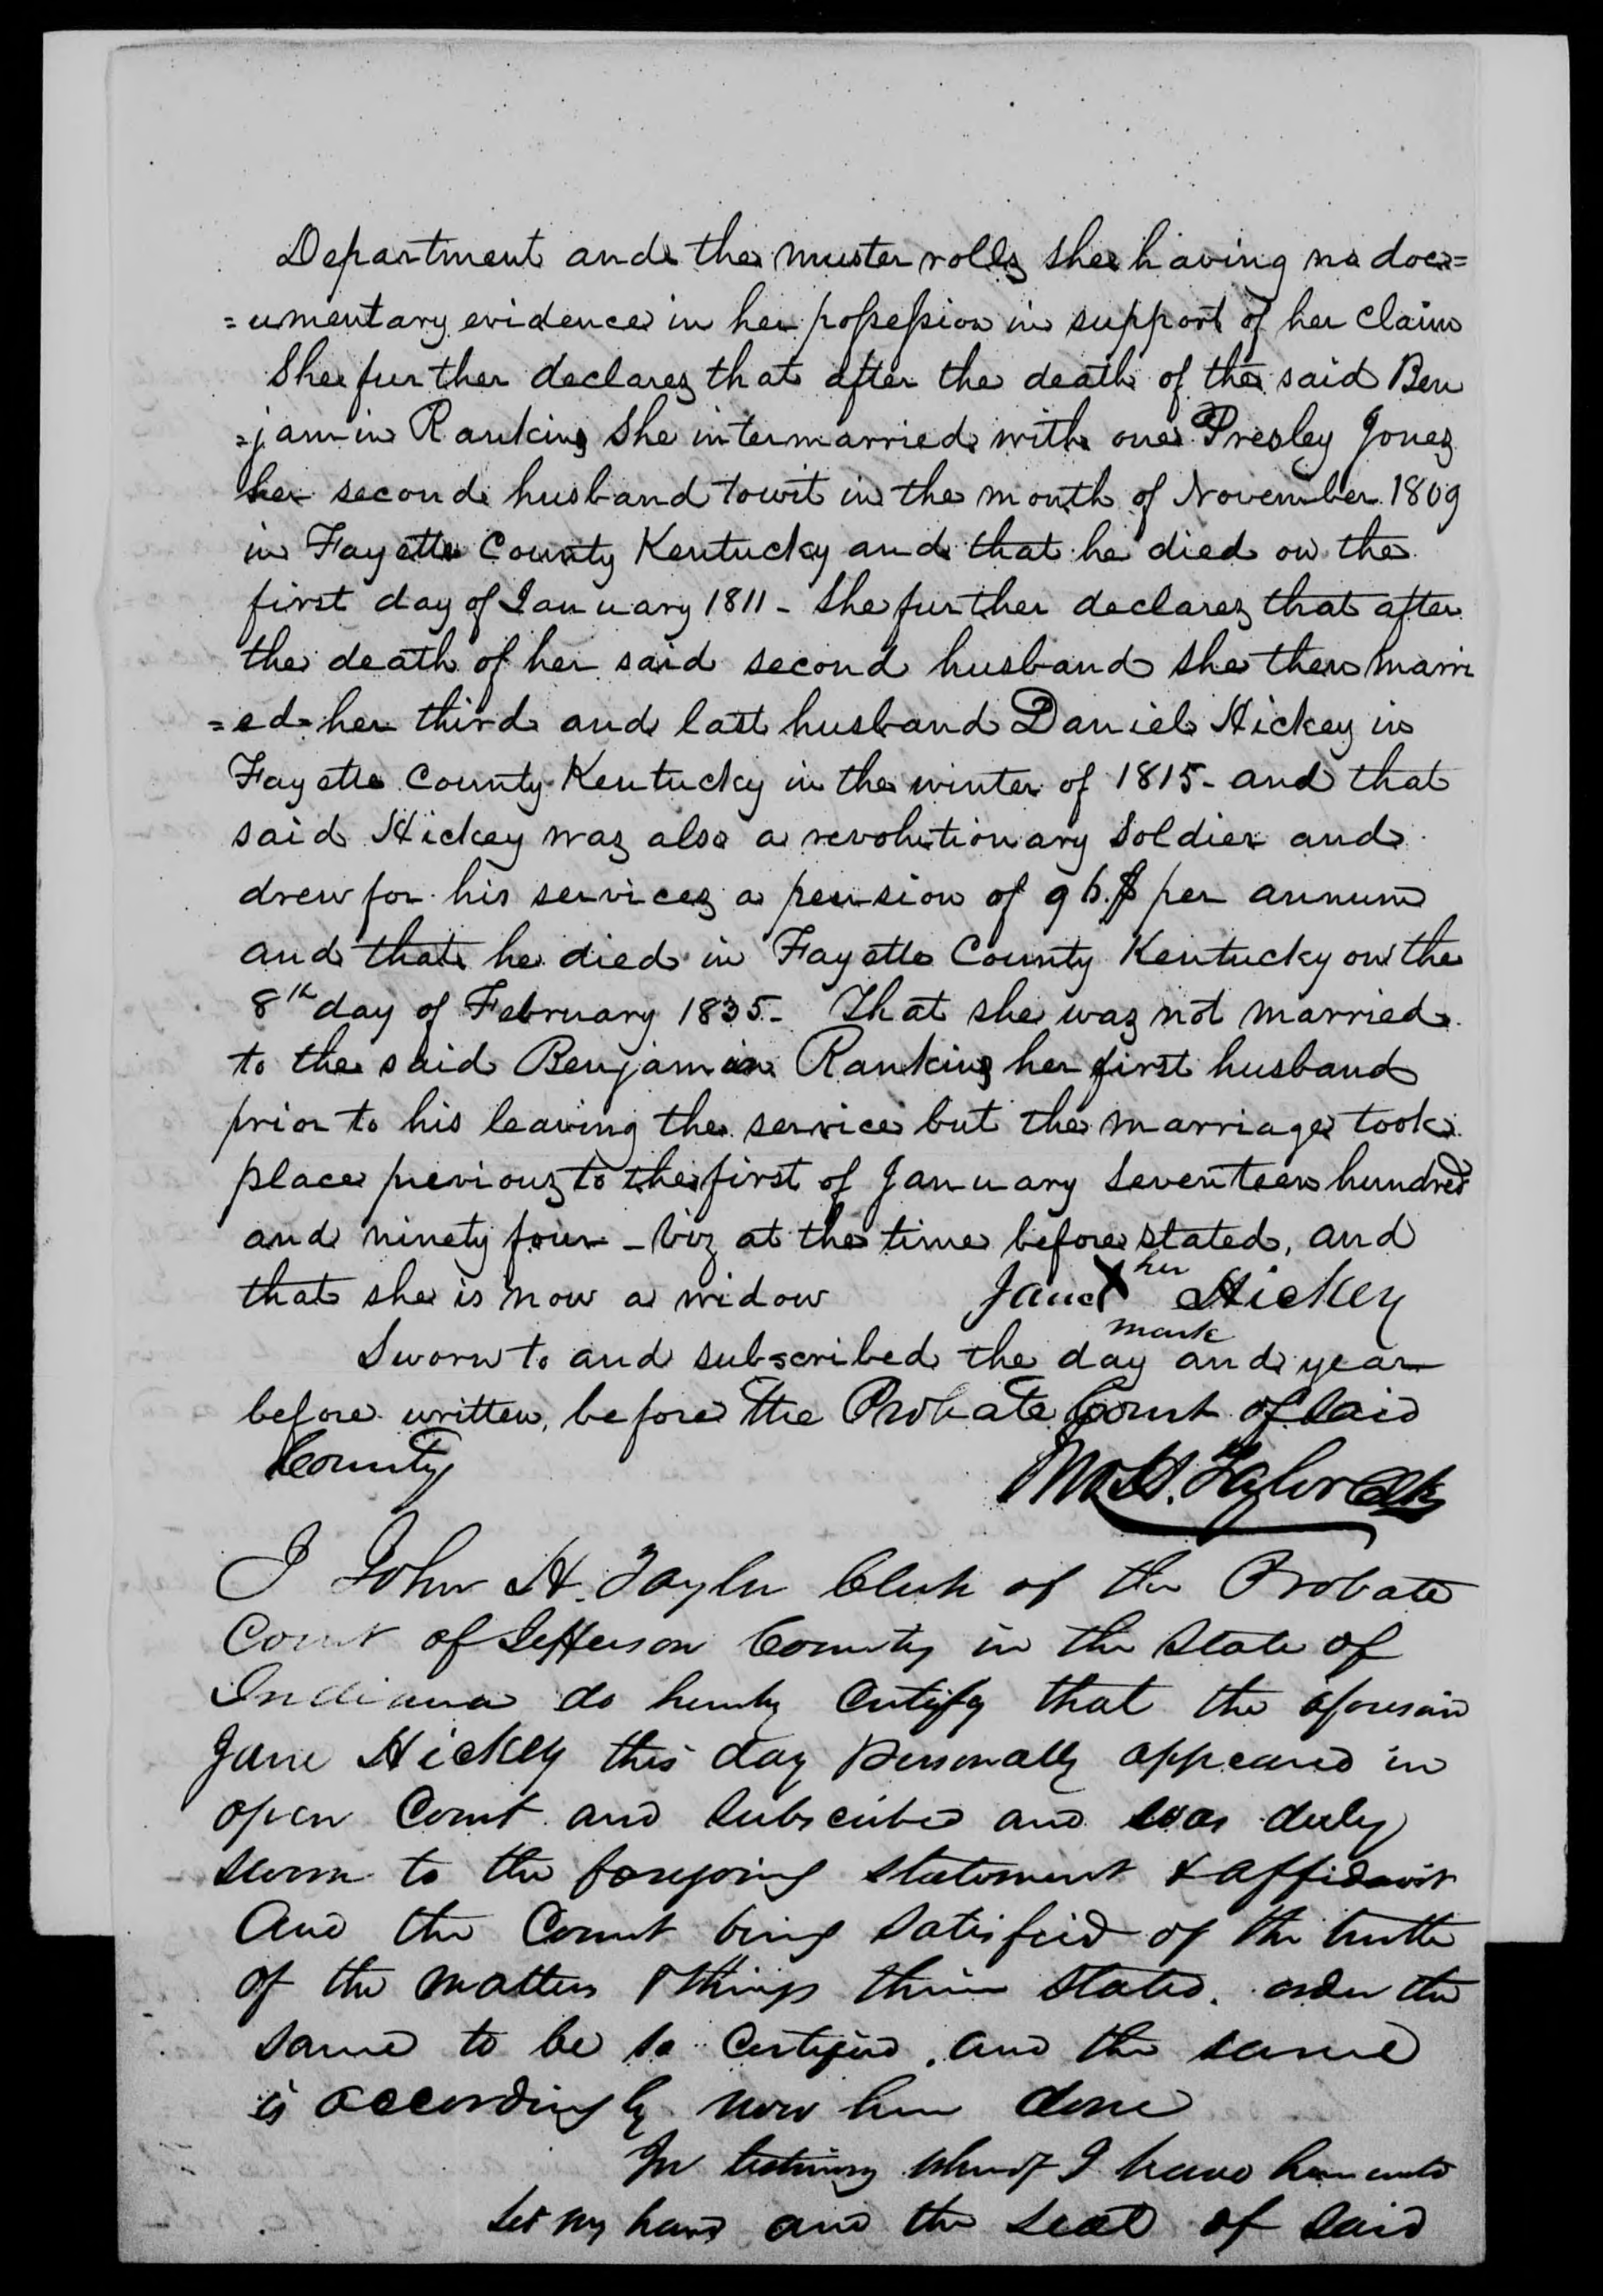Department and the muster rolls she having no documentary evidence in her possession in support of her claim
She further declares that after the death of the said Benjamin Rankins she intermarried with one Presley Jones her second husband to wit in the month of November 1809 in Fayette County Kentucky and that he died on the
first day of January 1811 - She further declares that after the death of her said second husband she then married her third and last husband Daniel Hickey in Fayette County Kentucky in the winter of 1815, and that
said Hickey was also a revolutionary soldier and drew for his services a pension of 96$ per annum and that he died in Fayette County Kentucky on the 8th day of February 1835 - That she was not married to the said Benjamin Rankins her first husband prior to his leaving the service but the marriage took place previous to the first of January Seventeen hundred and ninety four, viz at the time before stated, and that she is now a widow
Jane Hickey
X her mark
Sworn to and subscribed the day and year
before written, before the Probate Court of said County
Jno H. Taylor Clk
I John H. Taylor Clerk of the Probate Court of Jefferson County in the State of Indiana do hereby certify that the aforesaid Jane Hickey this day personally appeared in open Court and subscribed and was duly Sworn to the foregoing statement & affidavit
And the Court being satisfied of the truth
of the matter of things then stated, order the same to be so certified and the same
is accordingly now here done
In testimony whereof I have hereunto
set my hand and the seal of said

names: John H Tayler, Benjamin Rankins, Jane Hickey, Jno H Taylor, Presley Jones, Benjamin Rankins, Hickey, Daniel Hickey, Jane Hickey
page: 6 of 84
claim: widow's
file: W. 7744, Daniel Hickey, Penn.